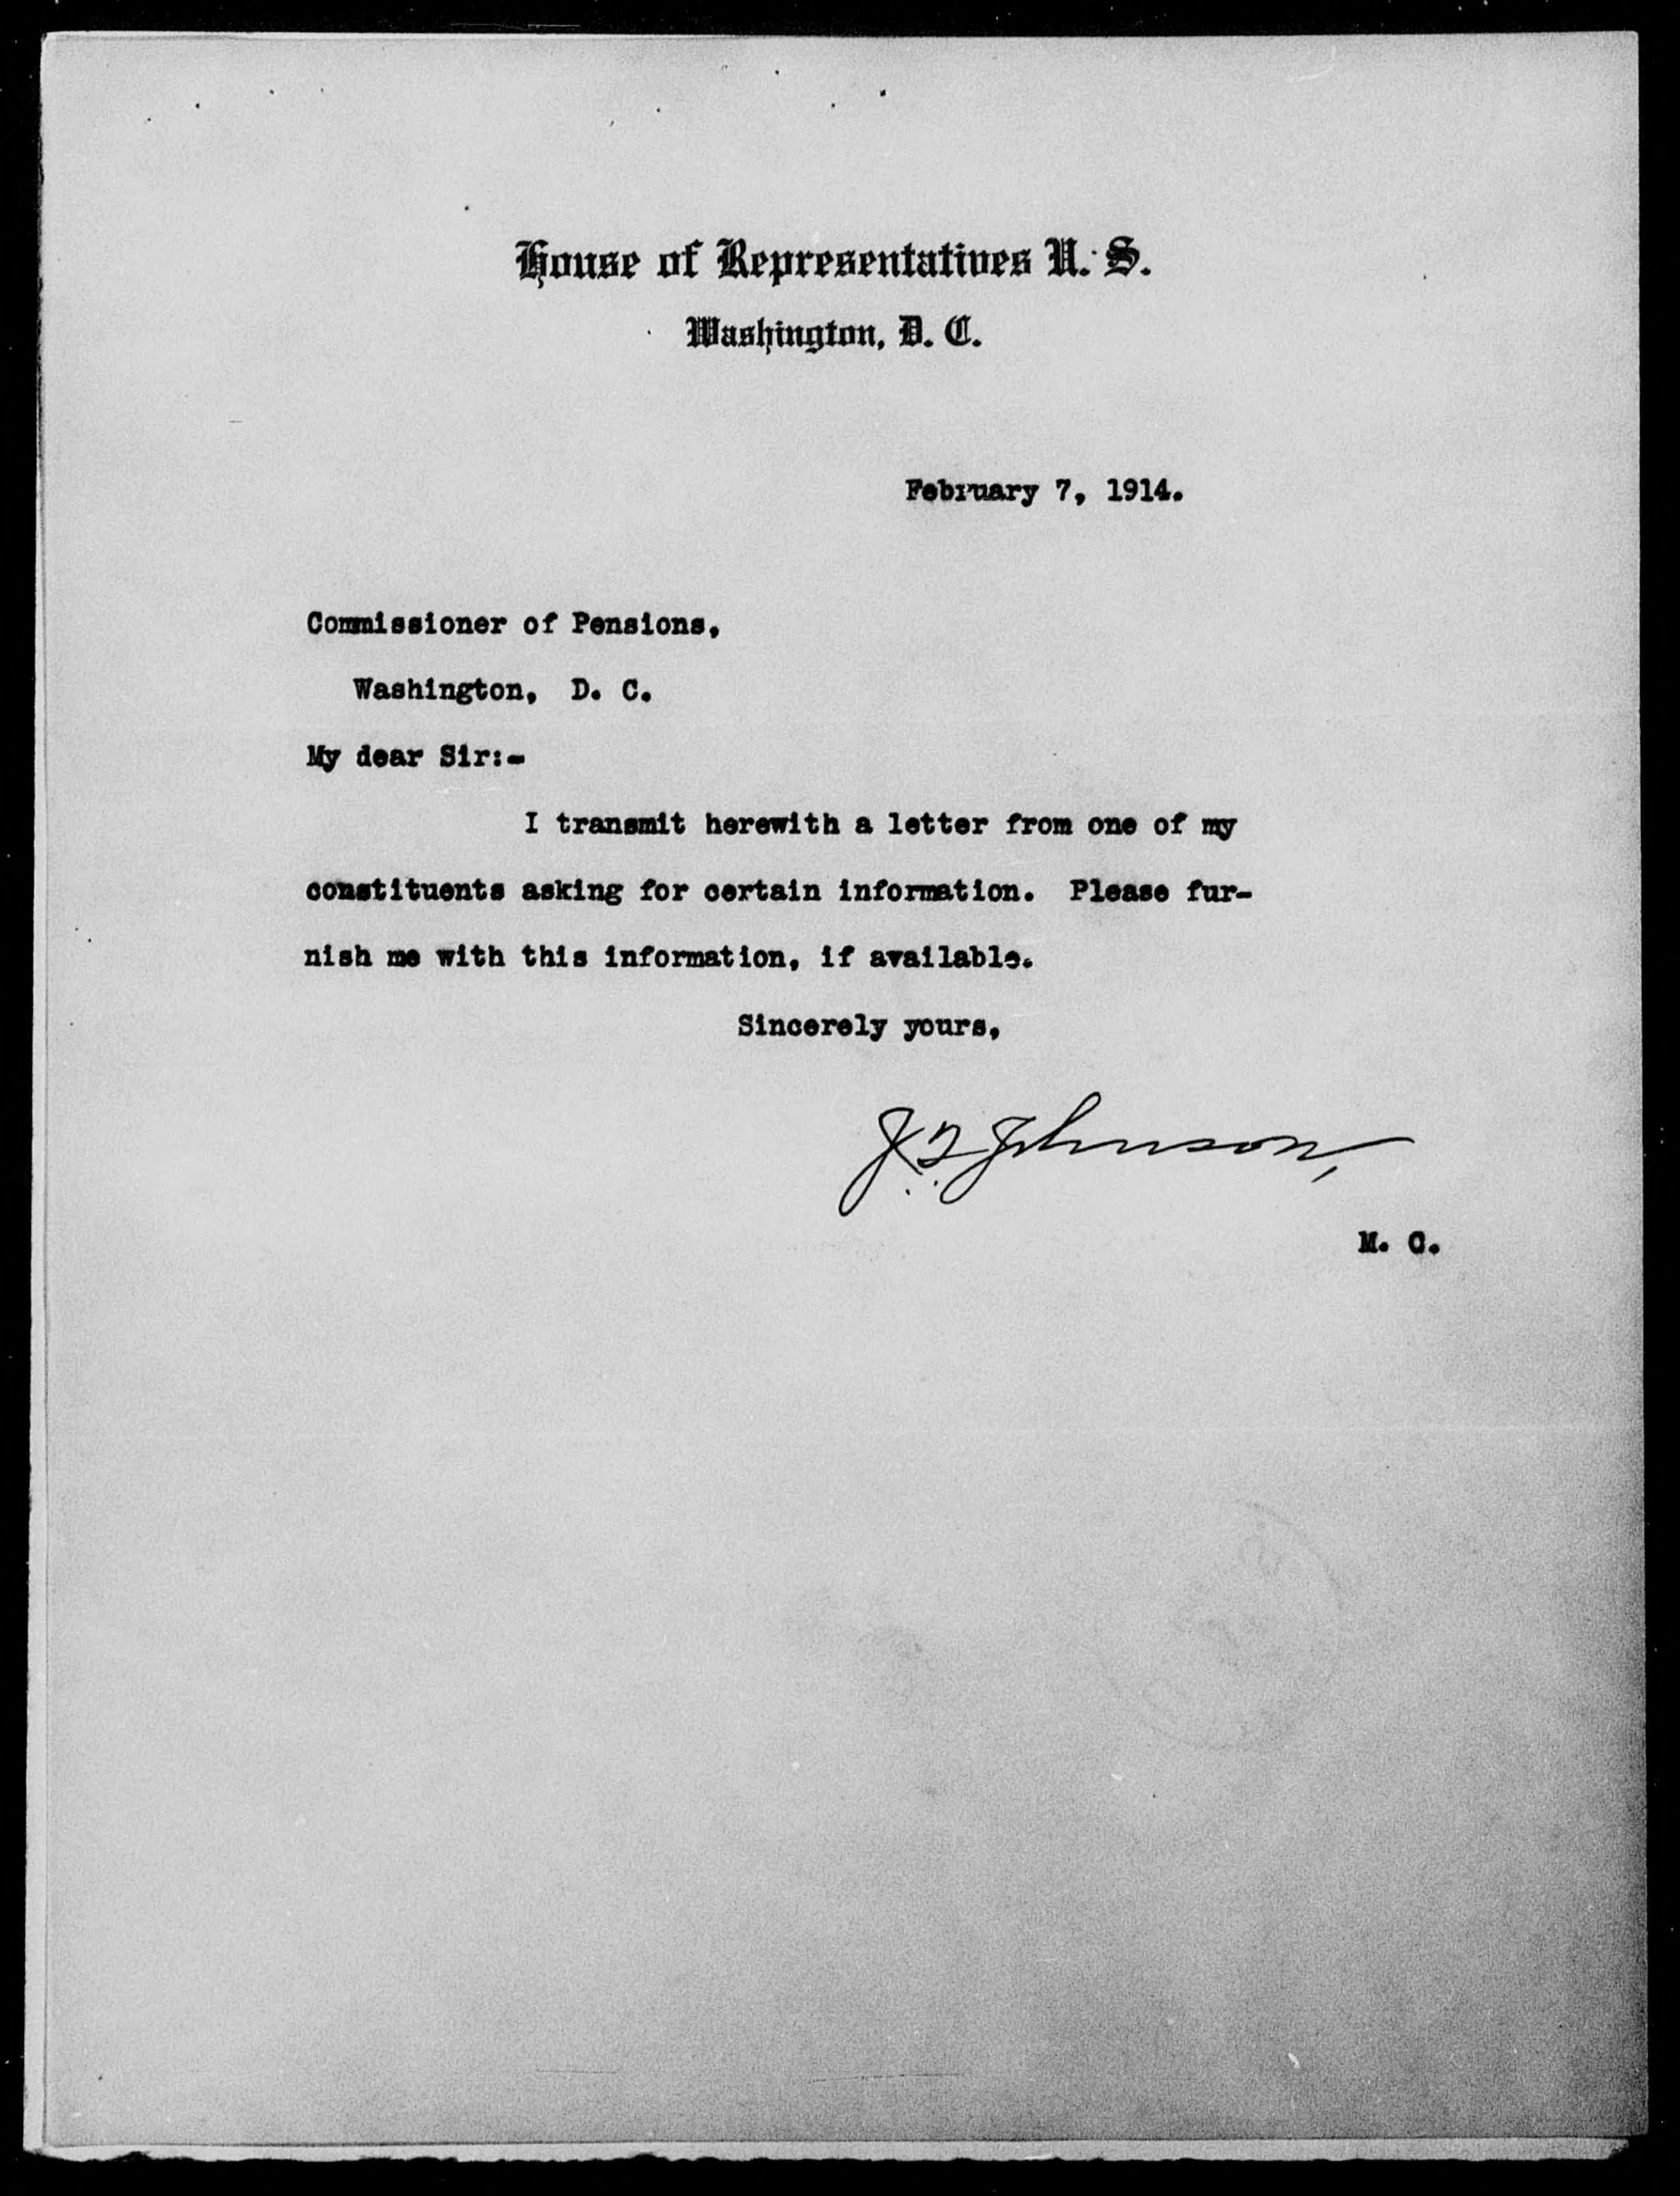House of Representatives U.S.
Washington, D. C.

February 7, 1914.

Commissioner of Pensions,
Washington, D. C.

My dear Sir:

I transmit herewith a letter from one of my
constituents asking for certain information. Please furnish me with this information, if available.
Sincerely yours,
J  F Johnson,
M. C.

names: J F Johnson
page: 53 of 85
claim: widow's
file: W. 5,906, John Brown, S.C.